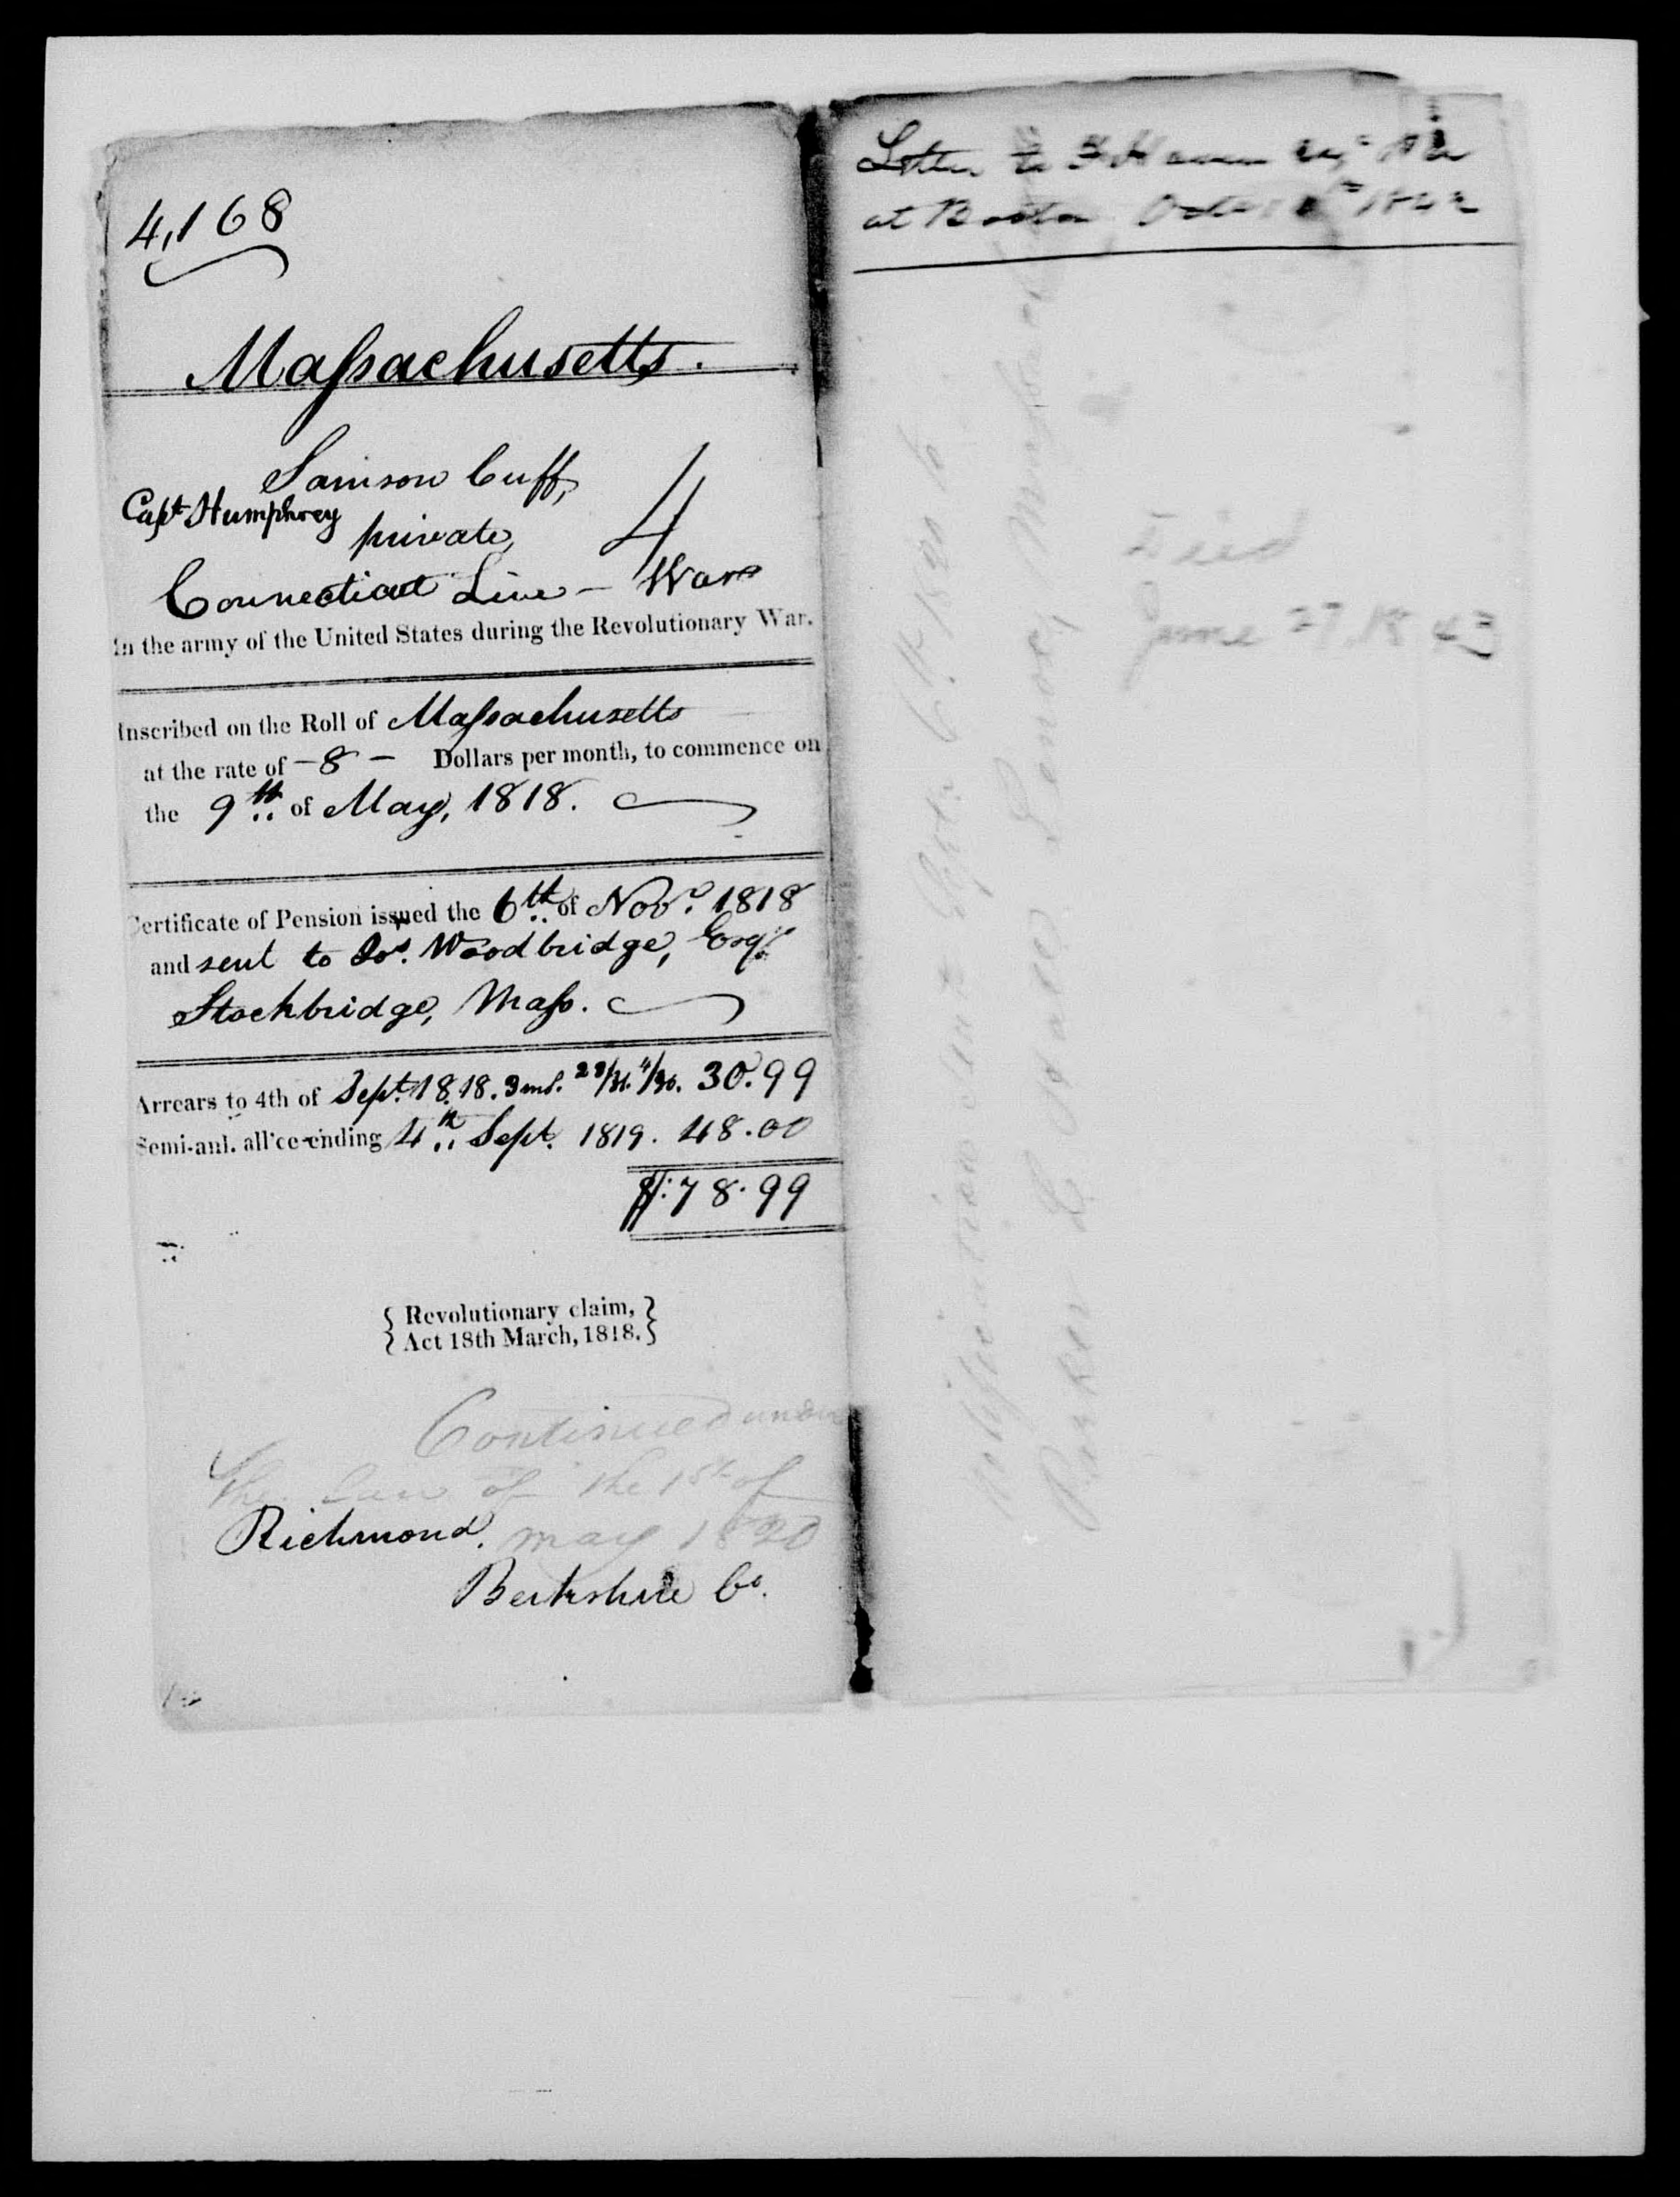4,168
Massachusetts
Samison Cuff,
Capt. Humphrey 
private
[ILLEGIBLE]
In the army of the United States during the Revolutionary War.
Inscribed on the Roll of Massachusetts
at the rate of -8- Dollars per month, to commence on
the 9th of May 1818
Certificate of Pension issued the 6th of Nov. 1818
and send to [ILLEGIBLE] Woodbridge, [ILLEGIBLE]
Stockbridge, Mass.

Arrears to the 4th of September 1818 [ILLEGIBLE] 30.99
Semi-anl. all ce-ending 4th Sept 1819 48.00
$48.00

Revolutionary claim
Act 18th March, 1818

[2nd page extremely faded]
Letter to [ILLEGIBLE]
Sept 6th 1820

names: Humphrey, Samson Cuff, F Haven, Jos Woodbridge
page: 2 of 11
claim: survivor's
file: S. 34,616, Samson Cuff, Conn.